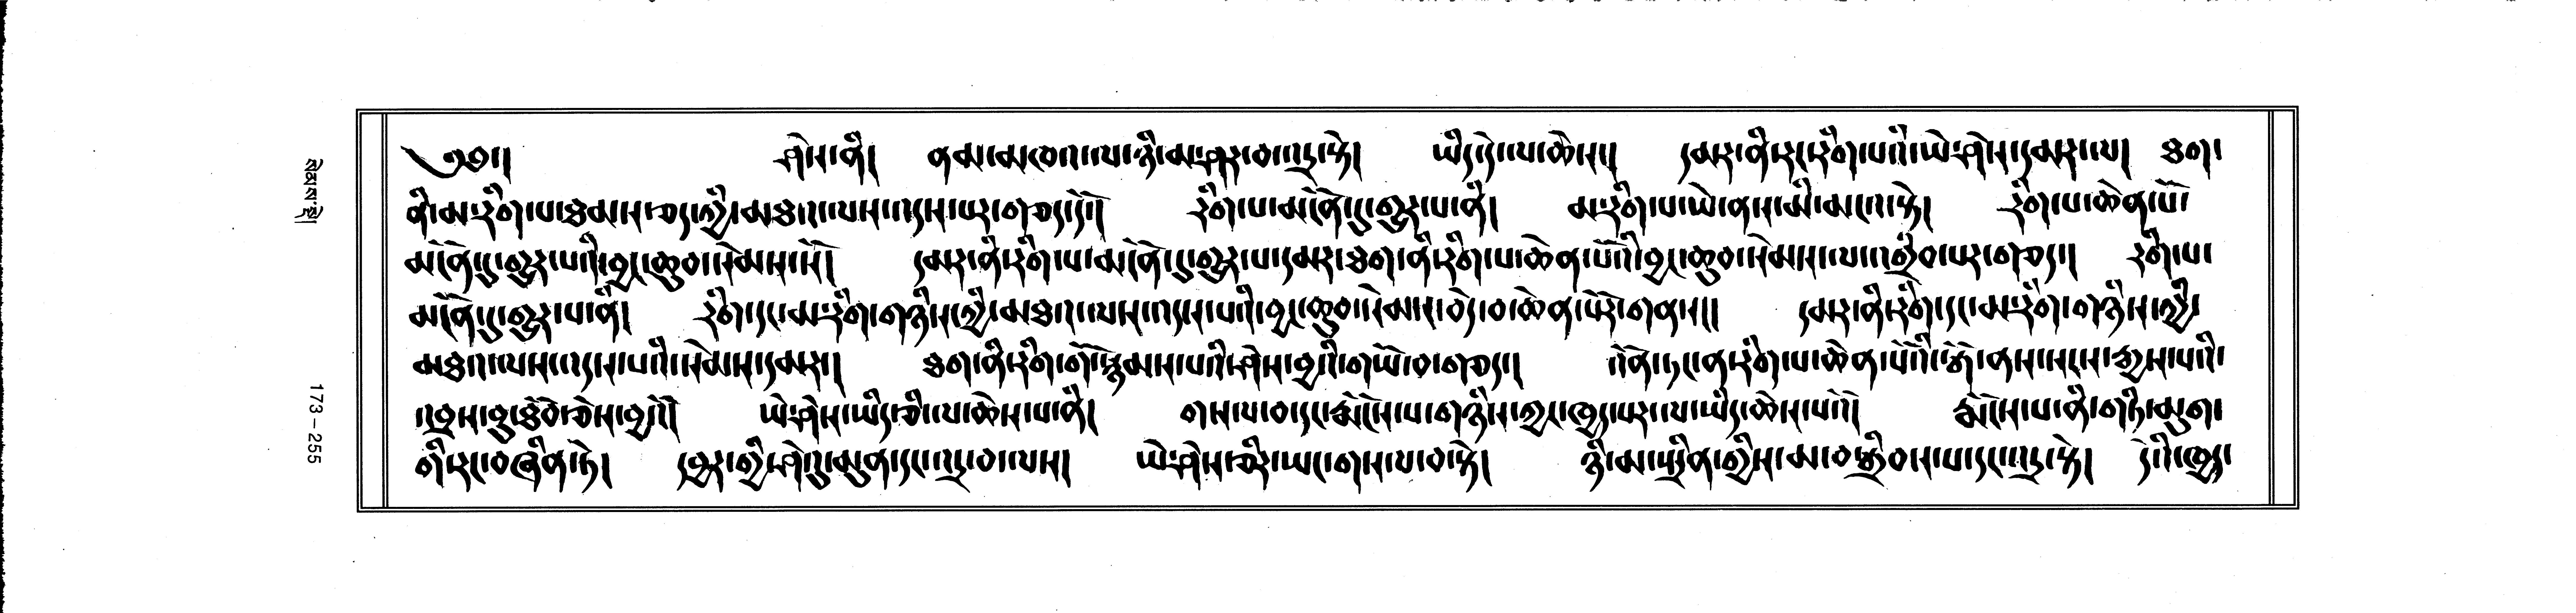ཤེས་ནི་ནམ་མཁའ་ལ་ཉི་མ་ཤར་བ་དང་འདྲ་སྟེ། ཡི་དེ་ལ་ཆེས། དམར་ནི་རང་རིག་པའི་ཡེ་ཤེས་དམར་ལ། ཐག་
ནི་མ་རིག་པ་ཐམས་ཅད་ཀྱི་མཐའ་ལས་འདས་པར་གཅད་དོ། །རིག་པ་མངོན་དུ་གྱུར་པ་ནི། མ་རིག་པ་ཡེ་ནས་མི་མངའ་སྟེ། རིག་པ་ཆེན་པོ་
མངོན་དུ་གྱུར་པ་ནི་བྱང་ཆུབ་ཀྱི་སེམས་སོ། །དམར་ནི་རིག་པ་མངོན་དུ་གྱུར་པ་དམར་ཐག་ནི་རིག་པ་ཆེན་པོའི་བྱང་ཆུབ་སེམས་ལ་འགྲིབ་པར་གཅད། རིག་པ་
མངོན་དུ་གྱུར་པ་ནི། རིག་དང་མ་རིག་གཉིས་ཀྱི་མཐའ་ལས་འདས་པའི་སེམས་བདེ་བ་ཆེན་པོར་གནས་ དམར་ནི་རིག་དང་མ་རིག་གཉིས་ཀྱི།
མཐའ་ལས་འདས་པའི་སེམས་དམར། ཐག་ནི་རིག་གོ་སྙམ་པའི་ཤེས་བྱའི་གཡོ་བ་བཅད། འོན་ཏང་ན་རིག་པ་ཆེན་པོའི་སྒོ་ནས་སངས་རྒྱས་པའི་
འབྲས་བུ་ཐོབ་ཅེས་བྱའོ། །ཡེ་ཤེས་ཡིད་ཅི་ལ་ཆེས་པ་ནི། གསལ་བ་དང་རྨོངས་པ་གཉིས་ཀྱང་ཁྱད་པར་ལ་ཡིད་ཆེས་པའོ། །རྨོངས་པ་ནི་གཏི་མུག་
གི་རང་བཞིན་ཏེ། དབྱར་གྱི་ཤེ་མུན་དང་འདྲ་བ་ལས། ཡེ་ཤེས་ཅིར་ཡང་གསལ་བ་སྟེ། ཉི་མ་སྤྲིན་གྱིས་མ་བསྒྲིབས་པ་དང་འདྲ་སྟེ། དེའི་ཁྱད་